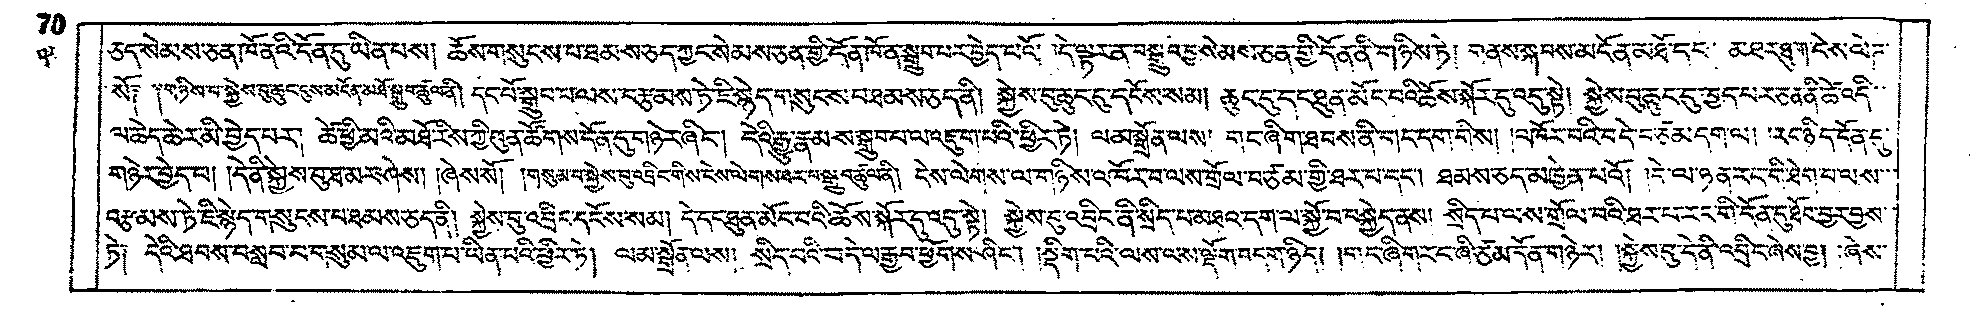ཅད་སེམས་ཅན་ཁོ་ནའི་དོན་དུ་ཡིན་པས། ཆོས་གསུངས་པ་ཐམས་ཅད་ཀྱང་སེམས་ཅན་གྱི་དོན་ཁོ་ན་སྒྲུབ་པར་བྱེད་པའོ། །དེ་ལྟར་ན་བསྒྲུབ་བྱ་སེམས་ཅན་གྱི་དོན་ནི་གཉིས་ཏེ། གནས་སྐབས་མངོན་མཐོ་དང་། མཐར་ཐུག་ངེས་ལེཌ་
སོ༑ ༑གཉིས་པ་སྐྱེས་བུ་ཆུང་དུས་མངོན་མཐོ་སྒྲུབ་ཚུལ་ནི།  དང་པ་སྒྲུབ་པ་ལས་བརྩམས་ཏེ་ཇི་སྙེད་གསུངས་པ་ཐམས་ཅད་ནི། སྐྱེས་བུ་ཆུང་ངུ་དངོས་སམ། ཆུང་དུ་དང་ཐུན་མོང་བའི་ཆོས་སྐོར་དུ་འདུ་སྟེ། སྐྱེས་བུ་ཆུང་ངུ་བྱད་པར་ཅན་ནི་ཚེ་འདི་
ལ་ཆེད་ཆེར་མི་བྱེད་པར། ཚེ་ཕྱི་མའི་མཐོ་རིས་ཀྱི་ཕུན་ཚོགས་དོན་དུ་གཉེར་ཞིང་། དེའི་རྒྱུ་རྣམས་སྒྲུབ་པ་ལ་འཇུག་པའི་ཕྱིར་ཏེ། ལམ་སྒྲོན་ལས། གང་ཞིག་ཐབས་ནི་གང་དག་གིས། །འཁོར་བའི་བདེ་བ་ཙམ་དག་ལ། །རང་ཉིད་དོན་དུ་
གཉེར་བྱེད་པ། །དེ་ནི་སྐྱེས་བུ་ཐ་མར་ཤེས། །ཞེས་སོ། ། གསུམ་པ་སྐྱེས་བུ་འབྲིང་གིས་ངེས་ལེགས་ཐར་པ་སྒྲུབ་ཚུལ་ནི། དེས་ལེགས་ལ་གཉིས་འཁོར་བ་ལས་གྲོལ་བ་ཙམ་གྱི་ཐར་པ་དང་། ཐམས་ཅད་མཁྱེན་པའོ། །དེ་ལ་ཉན་རང་གི་ཐེག་པ་ལས་
བརྩམས་ཏེ་ཇི་སྙེད་གསུངས་པ་ཐམས་ཅད་ནི། སྐྱེས་བུ་འབྲིང་དངོས་སམ། དེ་དང་ཐུན་མོང་བའི་ཆོས་སྐོར་དུ་འདུ་སྟེ། སྐྱེས་བུ་འབྲིང་ནི་སྲིད་པ་མཐའ་དག་ལ་སྐྱོ་བ་བསྐྱེད་ནས། སྲིད་པ་ལས་གྲོལ་བའི་ཐར་པ་རང་གི་དོན་དུ་ཐོབ་བྱར་བྱས་
ཏེ༑ དེའི་ཐབས་བསླབ་པ་གསུམ་ལ་འཇུག་པ་ཡིན་པའི་ཕྱིར་ཏེ། ལམ་སྒྲོན་ལས། སྲིད་པའི་བདེ་ལ་རྒྱབ་ཕྱོགས་ཤིང་། །སྡིག་པའི་ལས་ལས་ལྡོག་བདག་ཉིད། །གང་ཞིག་རང་ཞི་ཙམ་དོན་གཉེར། །སྐྱེས་བུ་དེ་ནི་འབྲིང་ཞེས་བྱ། །ཞེས་